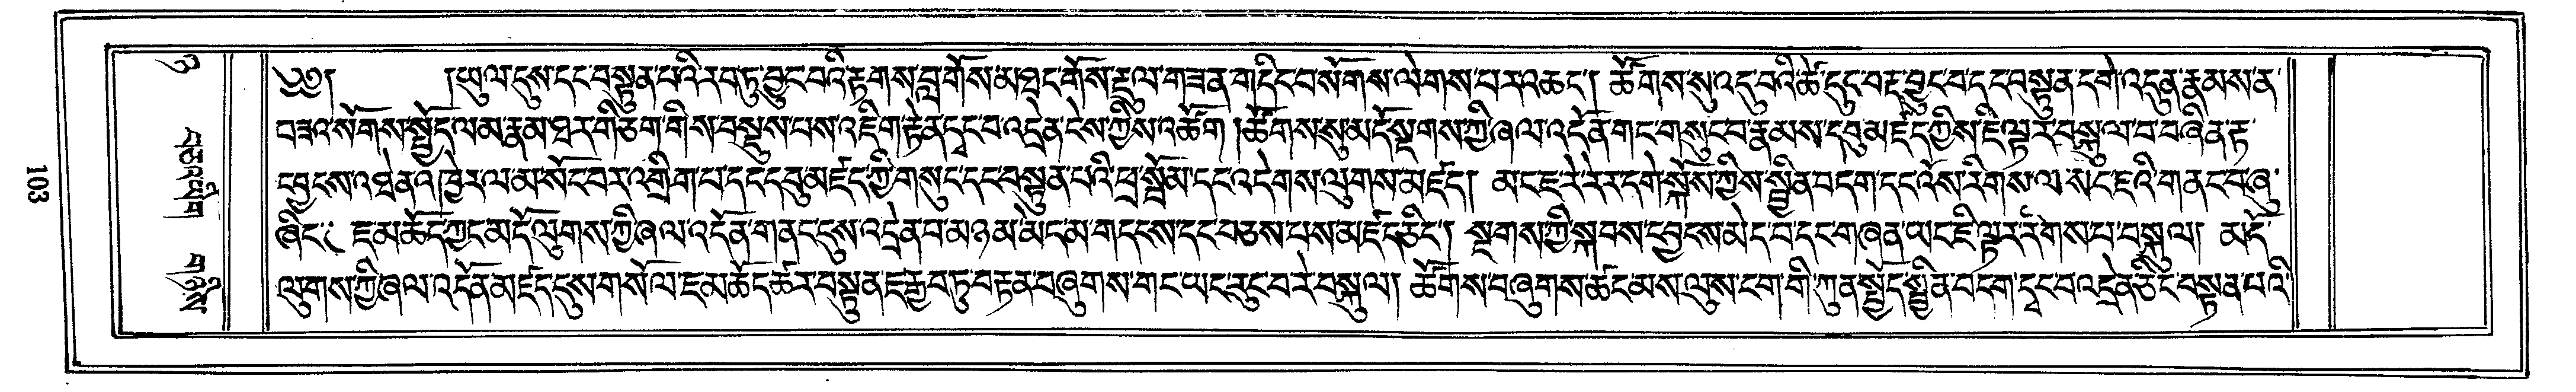༄༅། །ཡུལ་དུས་དང་བསྟུན་པའི་རབ་ཏུ་བྱུང་བའི་རྟགས་བླ་གོས་མཐང་གོས་རྡུལ་གཟན་གདིང་བ་སོགས་ལེགས་པར་འཆང་། ཚོགས་སུ་འདུ་བའི་ཚེ་དུང་བརྡ་བྱུང་བ་དང་བསྟུན་དགེ་འདུན་རྣམས་ན་
བཟའ་སོགས་སྤྱོད་ལམ་རྣམ་ཐར་གཅིག་གིས་བསྡུས་པས་འཇིག་རྟེན་དྭང་བ་འདྲེན་ངེས་ཀྱིས་འཚོག །ཚོགས་སུ་མདོ་སྔགས་ཀྱི་ཞལ་འདོན་གང་གསུང་བ་རྣམས་དབུ་མཛད་ཀྱིས་ཇི་ལྟར་བསྐུལ་བ་བཞིན་རྟ་
དབྱངས་འཐེན་འཁྱེར་ལ་མ་སོང་བར་འགྲིག་པ་དང་དབུ་མཛད་ཀྱི་གསུང་དང་བསྟུན་པའི་ཕྲ་སྦོམ་དང་འདེགས་ལུགས་མཛད། མང་ཇ་རེ་རེར་དགེ་སྐོས་ཀྱིས་སྦྱིན་བདག་དང་འོས་རིགས་ལ་མང་ཇའི་གནང་བ་ཞུ་
ཞིང༑ ཇ་མཆོད་ཀྱང་མདོ་ལུགས་ཀྱི་ཞལ་འདོན་གནང་དུས་འདྲེན་པ་མཉམ་མེད་མ་གདངས་དང་བཅས་པས་མཛད་ཅིང་། སྔགས་ཀྱི་སྐབས་དབྱངས་མེད་པ་དང་གཞན་ཡང་ཇི་ལྟར་རིགས་པ་བསྐུལ། མདོ་
ལུགས་ཀྱི་ཞལ་འདོན་མཛད་དུས་གསོལ་ཇ་མཆོད་ཚར་བསྟུན་ཇ་རྒྱབ་ཏུ་བརྟན་བཞུགས་གང་ཡང་རུང་བ་རེ་བསྐུལ། ཚོགས་བཞུགས་ཚང་མས་ལུས་ངག་གི་ཀུན་སྦྱོད་སྦྱིན་བདག་དྭང་བ་འདྲེན་ཅིང་བསྟན་པའི་